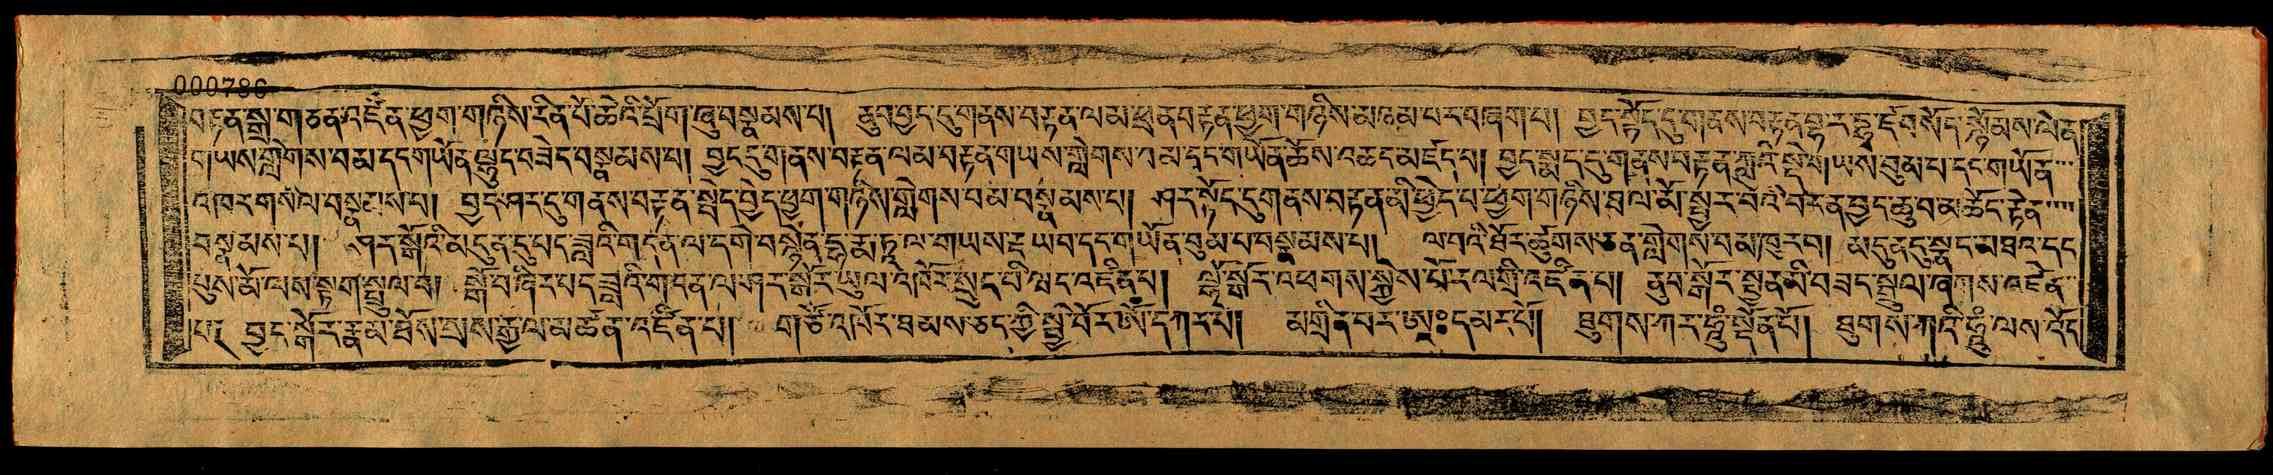བརྟན་སྒྲ་གཅན་འཛིན་ཕྱག་གཉིས་རིན་པོ་ཆེའི་པྲོག་ཞུ་བསྣམས་པ། ནུབ་བྱང་དུ་གནས་བརྟན་ལམ་ཕྲན་བརྟན་གཉིས་མཉམ་པར་བཞག་པ། བྱང་སྟོད་དུ་གནས་བརྟན་བྷ་ར་དྷ་ཛ་བསོད་སྙོམས་ལེན་
གཡས་གླེགས་བམ་དང་གཡོན་ལྷུང་བཟེད་བསྣམས་པ། བྱང་དུ་གནས་བརྟན་ལམ་བརྟན་གཡས་གླེགས་བམ་དང་གཡོན་ཆོས་འཆད་མཛད་པ། བྱང་སྨད་དུ་གནས་བརྟན་ཀླུའི་སྡེ་གཡས་ཀུམ་པ་དང་གཡོན་
འཁར་གསིལ་བསྣམས་པ། བྱང་ཤར་དུ་གནས་བརྟན་སྦེད་བྱེད་ཕྱག་གཉིས་གླེགས་བམ་བསྣམས་པ། ཤར་སྟོད་དུ་གནས་བརྟན་མི་ཕྱེད་པ་ཕྱག་གཉིས་ཐལ་མོ་སྦྱར་བའི་བར་ན་བྱང་ཆུབ་མཆོད་རྟེན་
བསྣམས་པ། ཤར་སྒོའི་མདུན་དུ་པད་ཟླའི་གདན་ལ་དགེ་བསྙེན་དྷ་རྨ་ཏཱ་ལ་གཡས་རྔ་ཡབ་དང་གཡོན་བུམ་པ་བསྣམས་པ། རལ་པའི་ཐོར་ཚུགས་ཅན་གླེགས་བམ་ཁུར་བ། མདུན་དུ་སྣང་མཐའ་དང་
པུས་མོ་ལས་སྟག་སྤྲུལ་བ། སྒོ་བཞིར་པད་ཟླའི་གདན་ལ་ཤར་སྒོར་ཡུལ་འཁོར་སྲུང་པི་ཝང་འཛིན་པ། ལྷོ་སྒོར་འཕགས་སྐྱེས་པོ་རལ་གྲི་འཛིན་པ། ནུབ་སྒོར་སྦྱན་མི་བཟང་སྦྲུལ་ཞགས་འཛིན་
པ༑ བྱང་སྒོར་རྣམ་ཐོས་སྲས་རྒྱལ་མཚན་འཛིན་པ། གཙོ་འཁོར་ཐམས་ཅད་ཀྱི་སྤྱི་བོར་ཨོཾ་དཀར་པོ། མགྲིན་པར་ཨཱཿ དམར་པོ། ཐུགས་ཀར་ཧཱུཾ་སྔོན་པོ། ཐུགས་ཀའི་ཧཱུཾ་ལས་འོད་